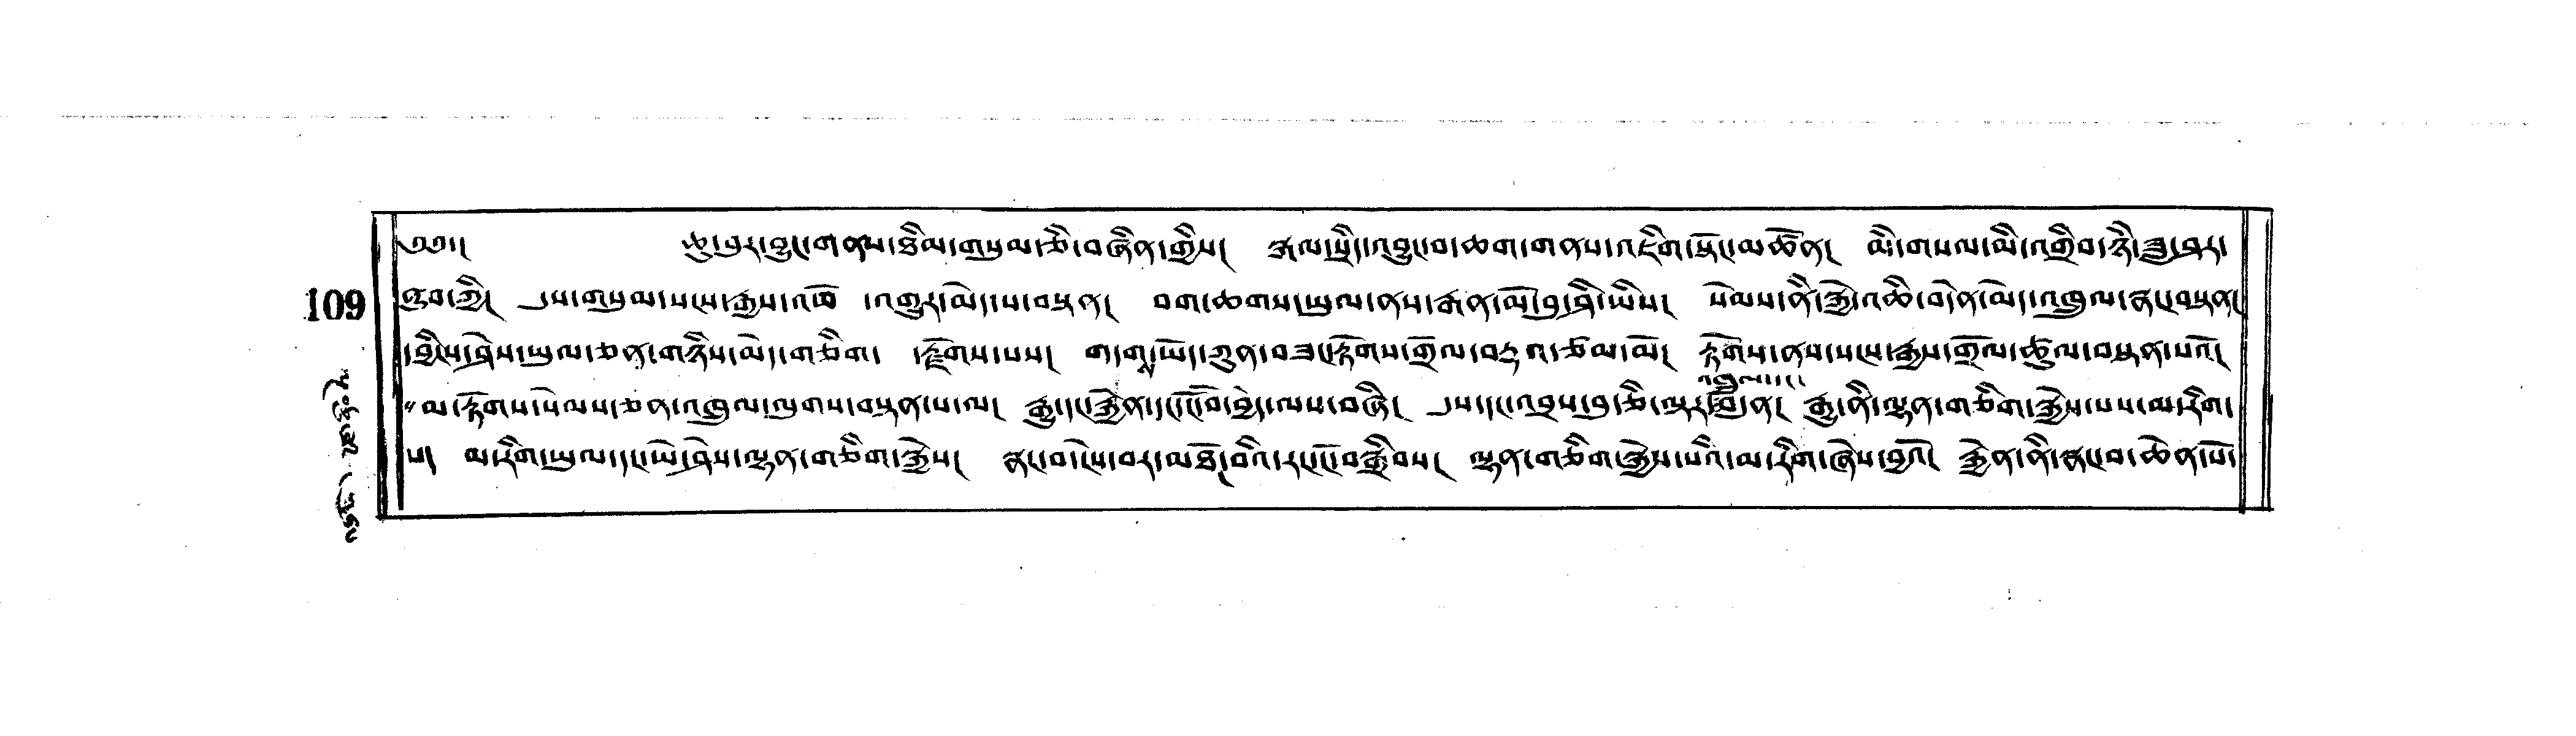ཆུ་བུར་བྱུང་གནས་ཐིམ་གསུམ་ཅི་བཞིན་གྱིས། བསྐལ་སྲིད་འབྱུང་བ་ཆགས་གནས་འཇིག་སྟོང་མཚོན། མི་གསལ་མི་འགྲིབ་ཉི་ཟླ་ཤར་
ནུབ་ཀྱི། དུས་གསུམ་སངས་རྒྱས་འཕོ་འགྱུར་མེད་པ་བསྟན། བག་ཆགས་ཡུལ་ནས་རྒན་མོ་བུ་ཤི་ཡིས། སེམས་ནི་སྐྱེ་འཆི་བདེན་མེད་འཁྲུལ་སྣང་བསྟན། 
དབྱིངས་ཤེས་ཡུལ་ཅན་གཉིས་མེད་གཅིག་རྫོགས་པས། བདགས་ཡོད་ཀུན་བཟང་རྟོགས་གྲོལ་བརྡ་ཙམ་མོ། རྟོགས་ནས་སངས་རྒྱས་གྲོལ་ཚུལ་བསྟན་པའོ། །
༧ མ་རྟོགས་སེམས་ཅན་འཁྲུལ་ལུགས་བསྟན་པ་ལ། རྒྱུ་དང་རྐྱེན་དང་ངོ་བོ་བྱེད་ལས་བཞི། དུས་དང་འབྲས་བུ་ཅི་ལྟར་འཁྲུལ་དང་བདུན། རྒྱུ་ནི་ལྷན་ཅིག་སྐྱེས་པའི་མ་རིག་
པ། མ་རིག་ཡུལ་དང་ཡེ་ཤེས་ལྷན་ཅིག་སྐྱེས། སྣང་བ་ངེས་པར་མཐོང་བའི་རང་ངོ་བསྒྲིབས། ལྷན་ཅིག་སྐྱེས་པའི་མ་རིག་ཅེས་བྱའོ། རྐྱེན་ནི་སྣང་བ་ཆེན་པོ་